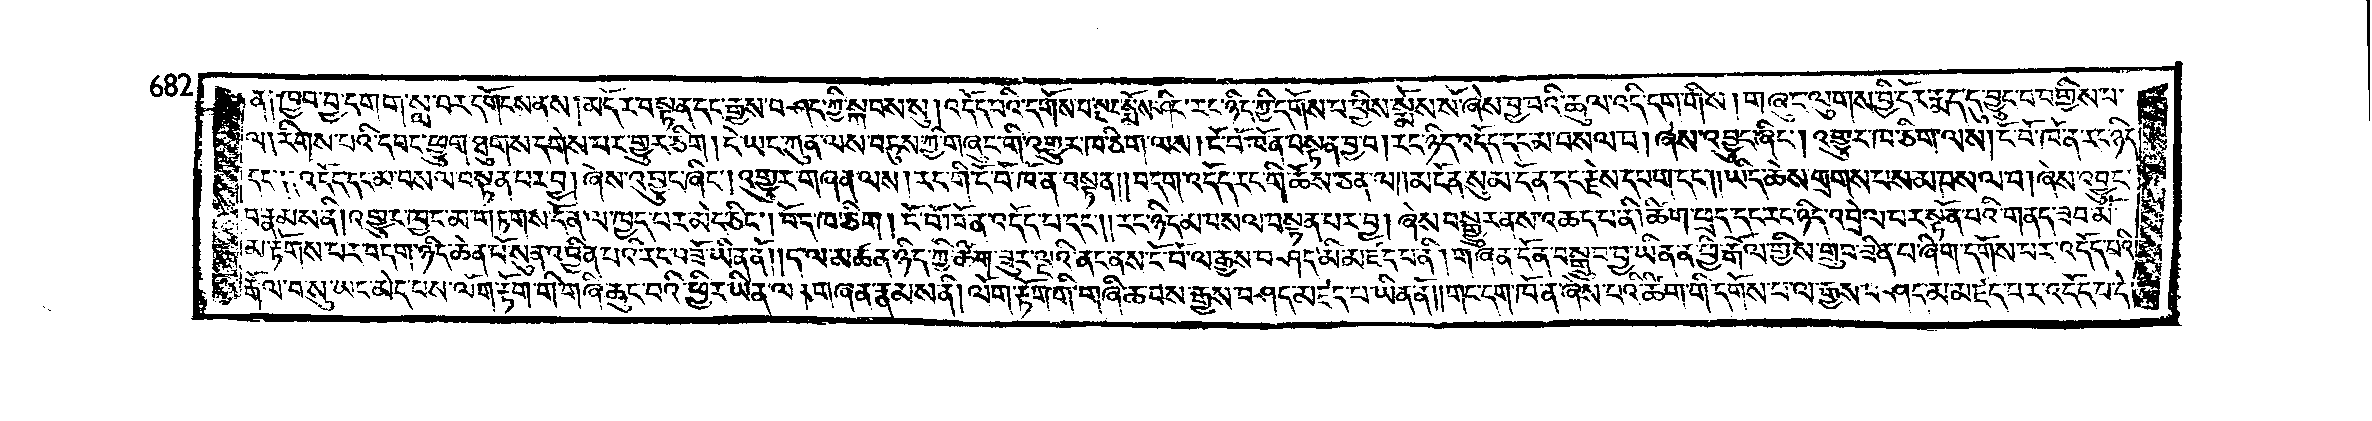ན། ཁྱབ་བྱ་དགག་སླ་བར་དགོངས་ནས། མདོར་བསྟན་དང་རྒྱས་བཤད་ཀྱི་སྐབས་སུ། འདོད་པའི་དགོས་པ་སྔར་སྨོས་ཤིང་རང་ཉིད་ཀྱི་དགོས་པ་ཕྱིས་སྨོས་སོ་ཞེས་བྱ་བའི་ཚུལ་འདི་དག་གིས། གཞུང་ལུགས་བྱི་དོར་རྨད་དུ་བྱུང་བ་བགྱིས་པ་
ལ། རིགས་པའི་དབང་ཕྱུག་ཐུགས་དགོས་པར་གྱུར་ཅིག །དེ་ཡང་ཀུན་ལས་བཏུས་ཀྱི་གཞུང་གི་འགྱུར་ཁ་ཅིག་ལས། ངོ་བོ་ཁོ་ན་བསྟན་བྱ་བ། རང་ཉིད་འདོད་དང་མ་བསལ་བ། ཞེས་འབྱུང་ཞིང་། འགྱུར་ཁ་ཅིག་ལས། ངོ་བོ་ཁོ་ན་རང་ཉིད་
དང་། །འདོད་དང་མ་བསལ་བསྟན་པར་བྱ། །ཞེས་འབྱུང་ཞིང་། འགྱུར་གཞན་ལས། རང་གི་ངོ་བོ་ཁོ་ན་བསྟན། །བདག་འདོད་རང་གི་ཆོས་ཅན་ལ། མངོན་སུམ་དོན་དང་རྗེས་དཔག་དང་། །ཡིད་ཆེས་གྲགས་པས་མ་བསལ་བ། ཞེས་འབྱུང་
བ་རྣམས་ནི། འགྱུར་ཁྱད་མ་གཏགས་དོན་ལ་ཁྱད་པར་མེད་ཅིང་། བོད་ཁ་ཅིག །ངོ་བོ་ཁོ་ན་འདོད་པ་དང་། །རང་ཉིད་མ་བསལ་བསྟན་པར་བྱ། ཞེས་བསྒྱུར་ནས་འཆད་པ་ནི། ཚིག་ཕྲད་དང་རང་ཉིད་འབྲེལ་བར་སྟོན་པའི་གནད་ཟབ་མོ་
མ་རྟོགས་པར་བདག་ཉིད་ཆེན་པོ་སུན་འབྱིན་པའི་རང་བཟོ་ཡིན་ནོ། །དེ་ལ་མཚན་ཉིད་ཀྱི་ཚིག་ཟུར་ལྔའི་ནང་ནས་ངོ་བོ་ལ་རྒྱས་བཤད་མི་མཛད་པ་ནི། གཞན་དོན་བསྒྲུབ་བྱ་ཡིན་ན་ཕྱི་རྒོལ་གྱིས་གྲུབ་ཟིན་པ་ཞིག་དགོས་པར་འདོད་པའི་
རྒོལ་བ་སུ་ཡང་མེད་པས་ལོག་རྟོག་གི་གཞི་ཆུང་བའི་ཕྱིར་ཡིན་ལ། གཞན་རྣམས་ནི། ལོག་རྟོག་གི་གཞི་ཆ་བས་རྒྱས་བཤད་མཛད་པ་ཡིན་ནོ། །གང་དག་ཁོ་ན་ཞེས་པའི་ཚིག་གི་དགོས་པ་ལ་རྒྱས་བཤད་མ་མཛད་པར་འདོད་པ་དེ་